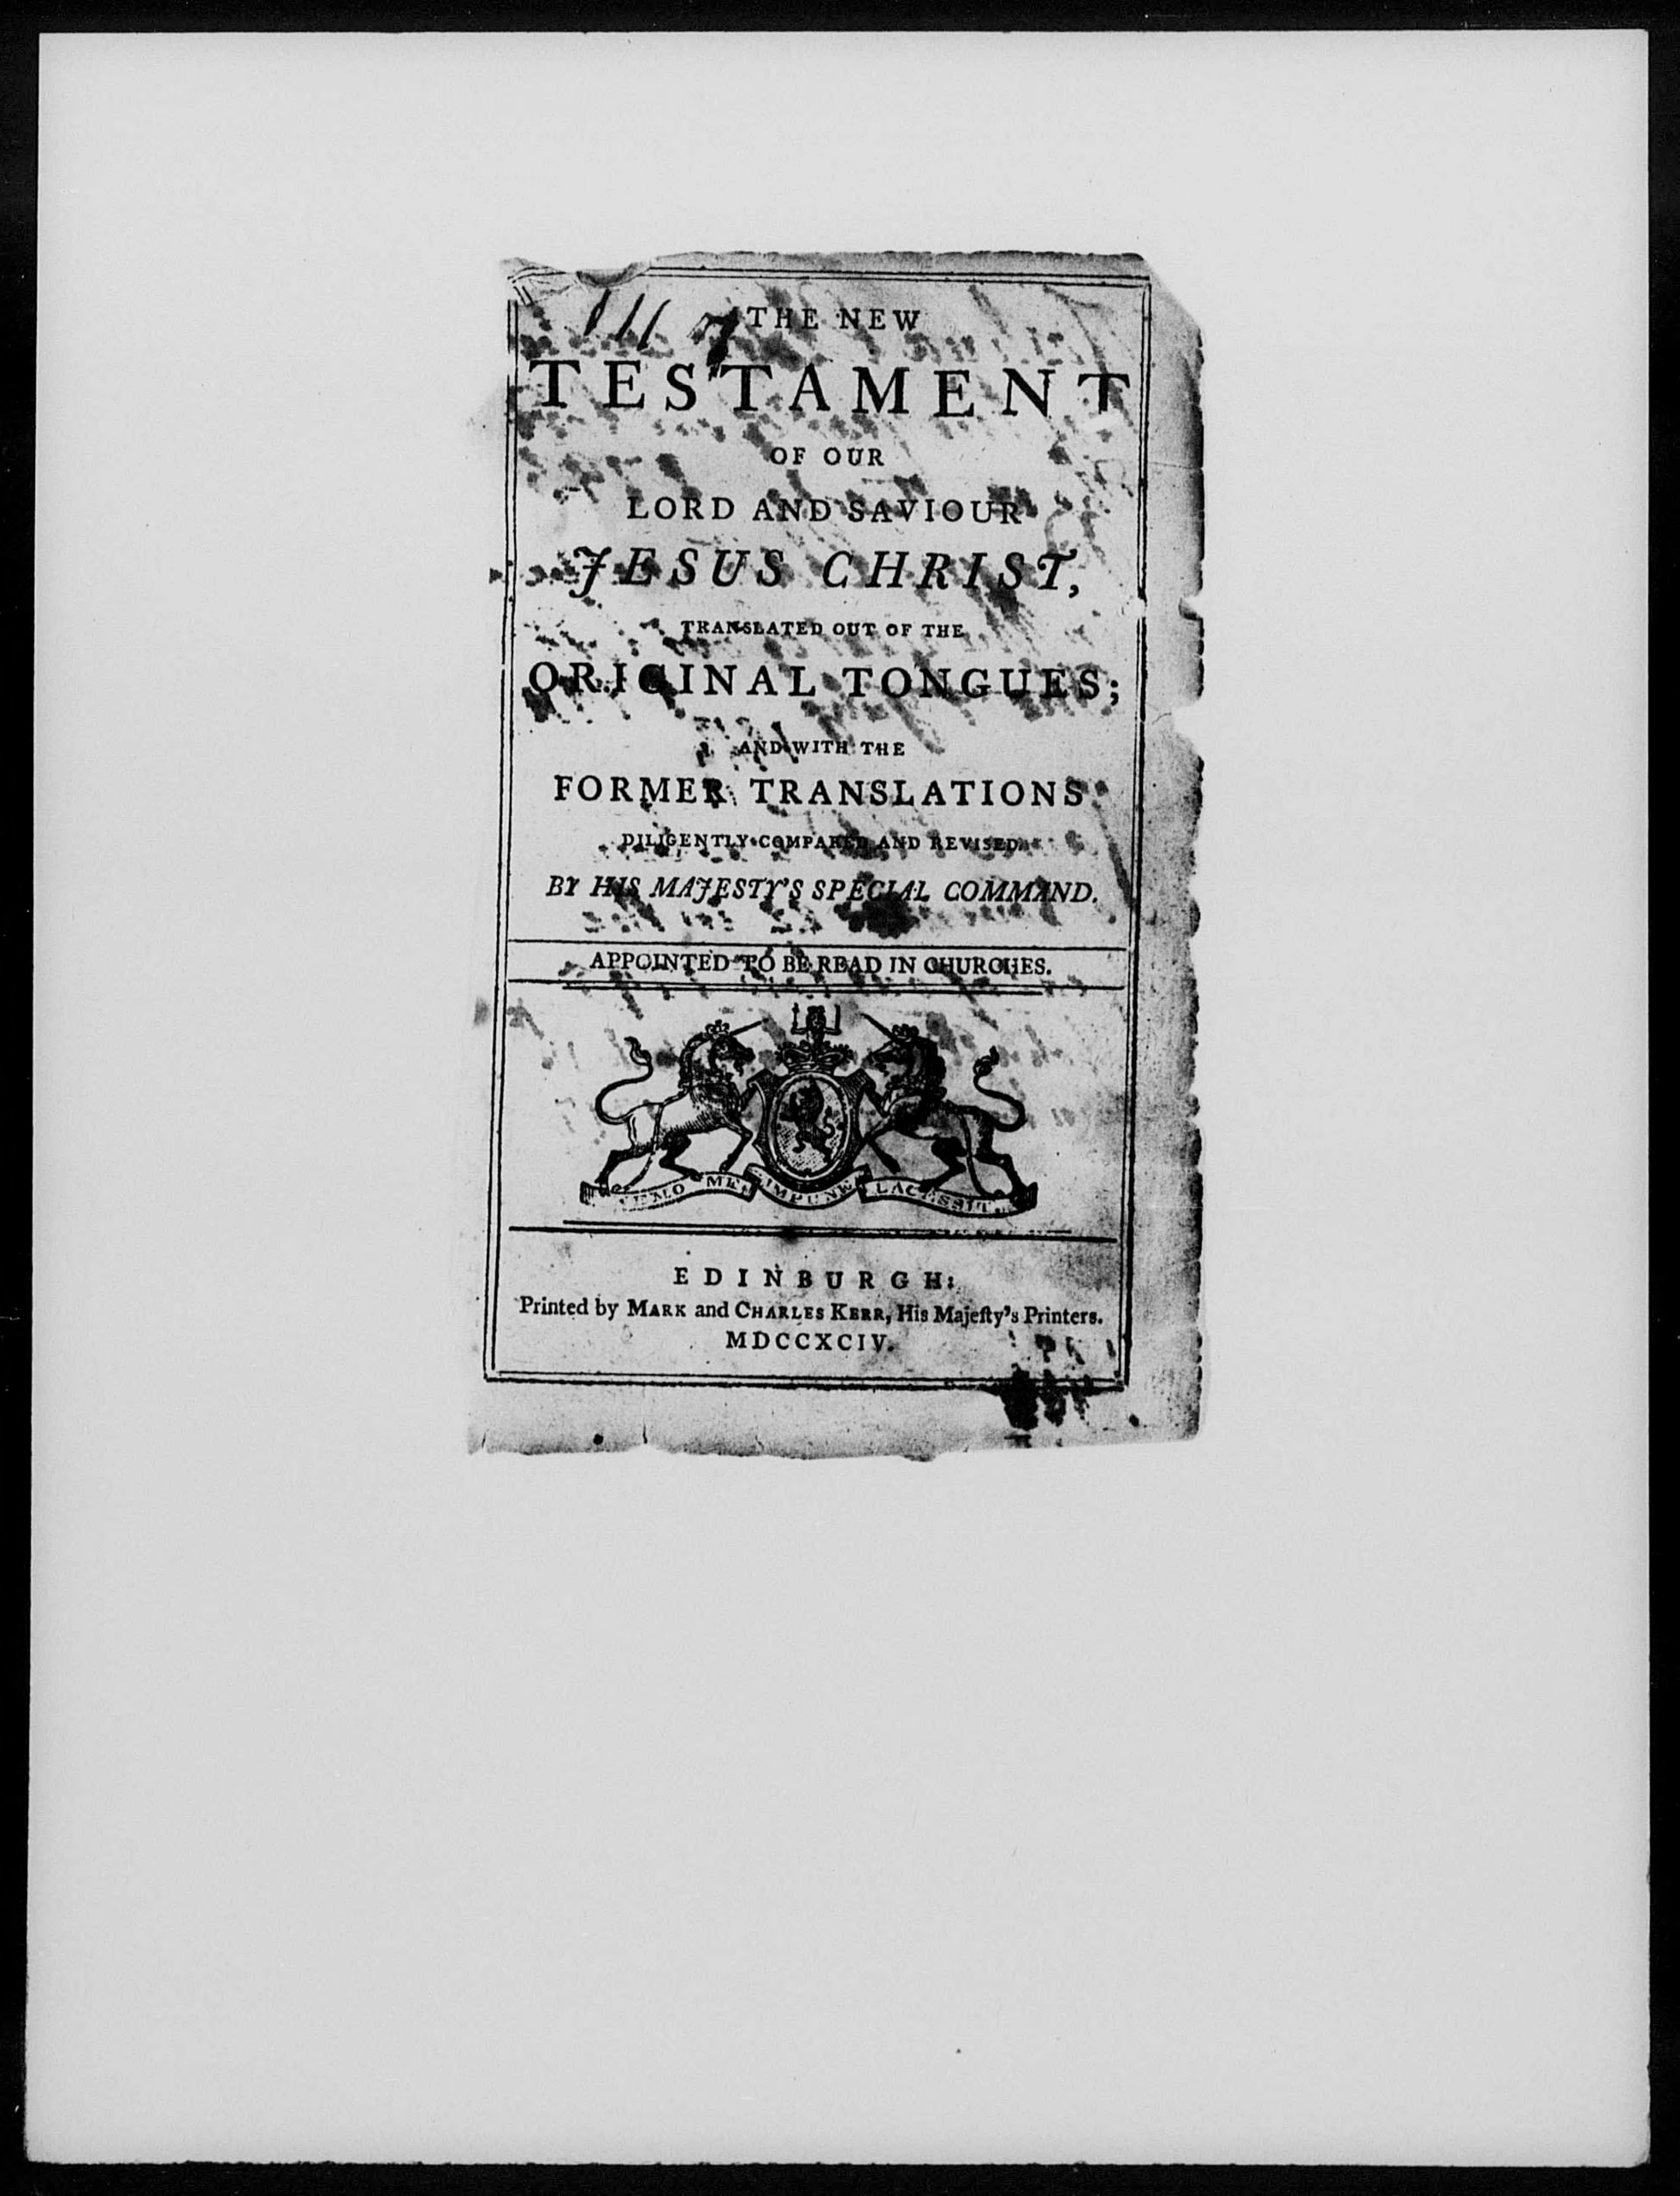The New Testament of our Lord and Savior Jesus Christ, Translated out of the Original Tongues; and with the Former Translations
Diligently Compared and Revised
By His Majesty's Special Command, 
Appointed to be read in churches. 
Emblem below in Latin, unreadable
Edinburgh:
Printed by Mark and Charles Kerr, His Majesty's Printers. 
MDCCXCIV.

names: Mark Kerr, Charles Kerr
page: 9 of 80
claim: widow's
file: W. 24117, John Elder, Penn.